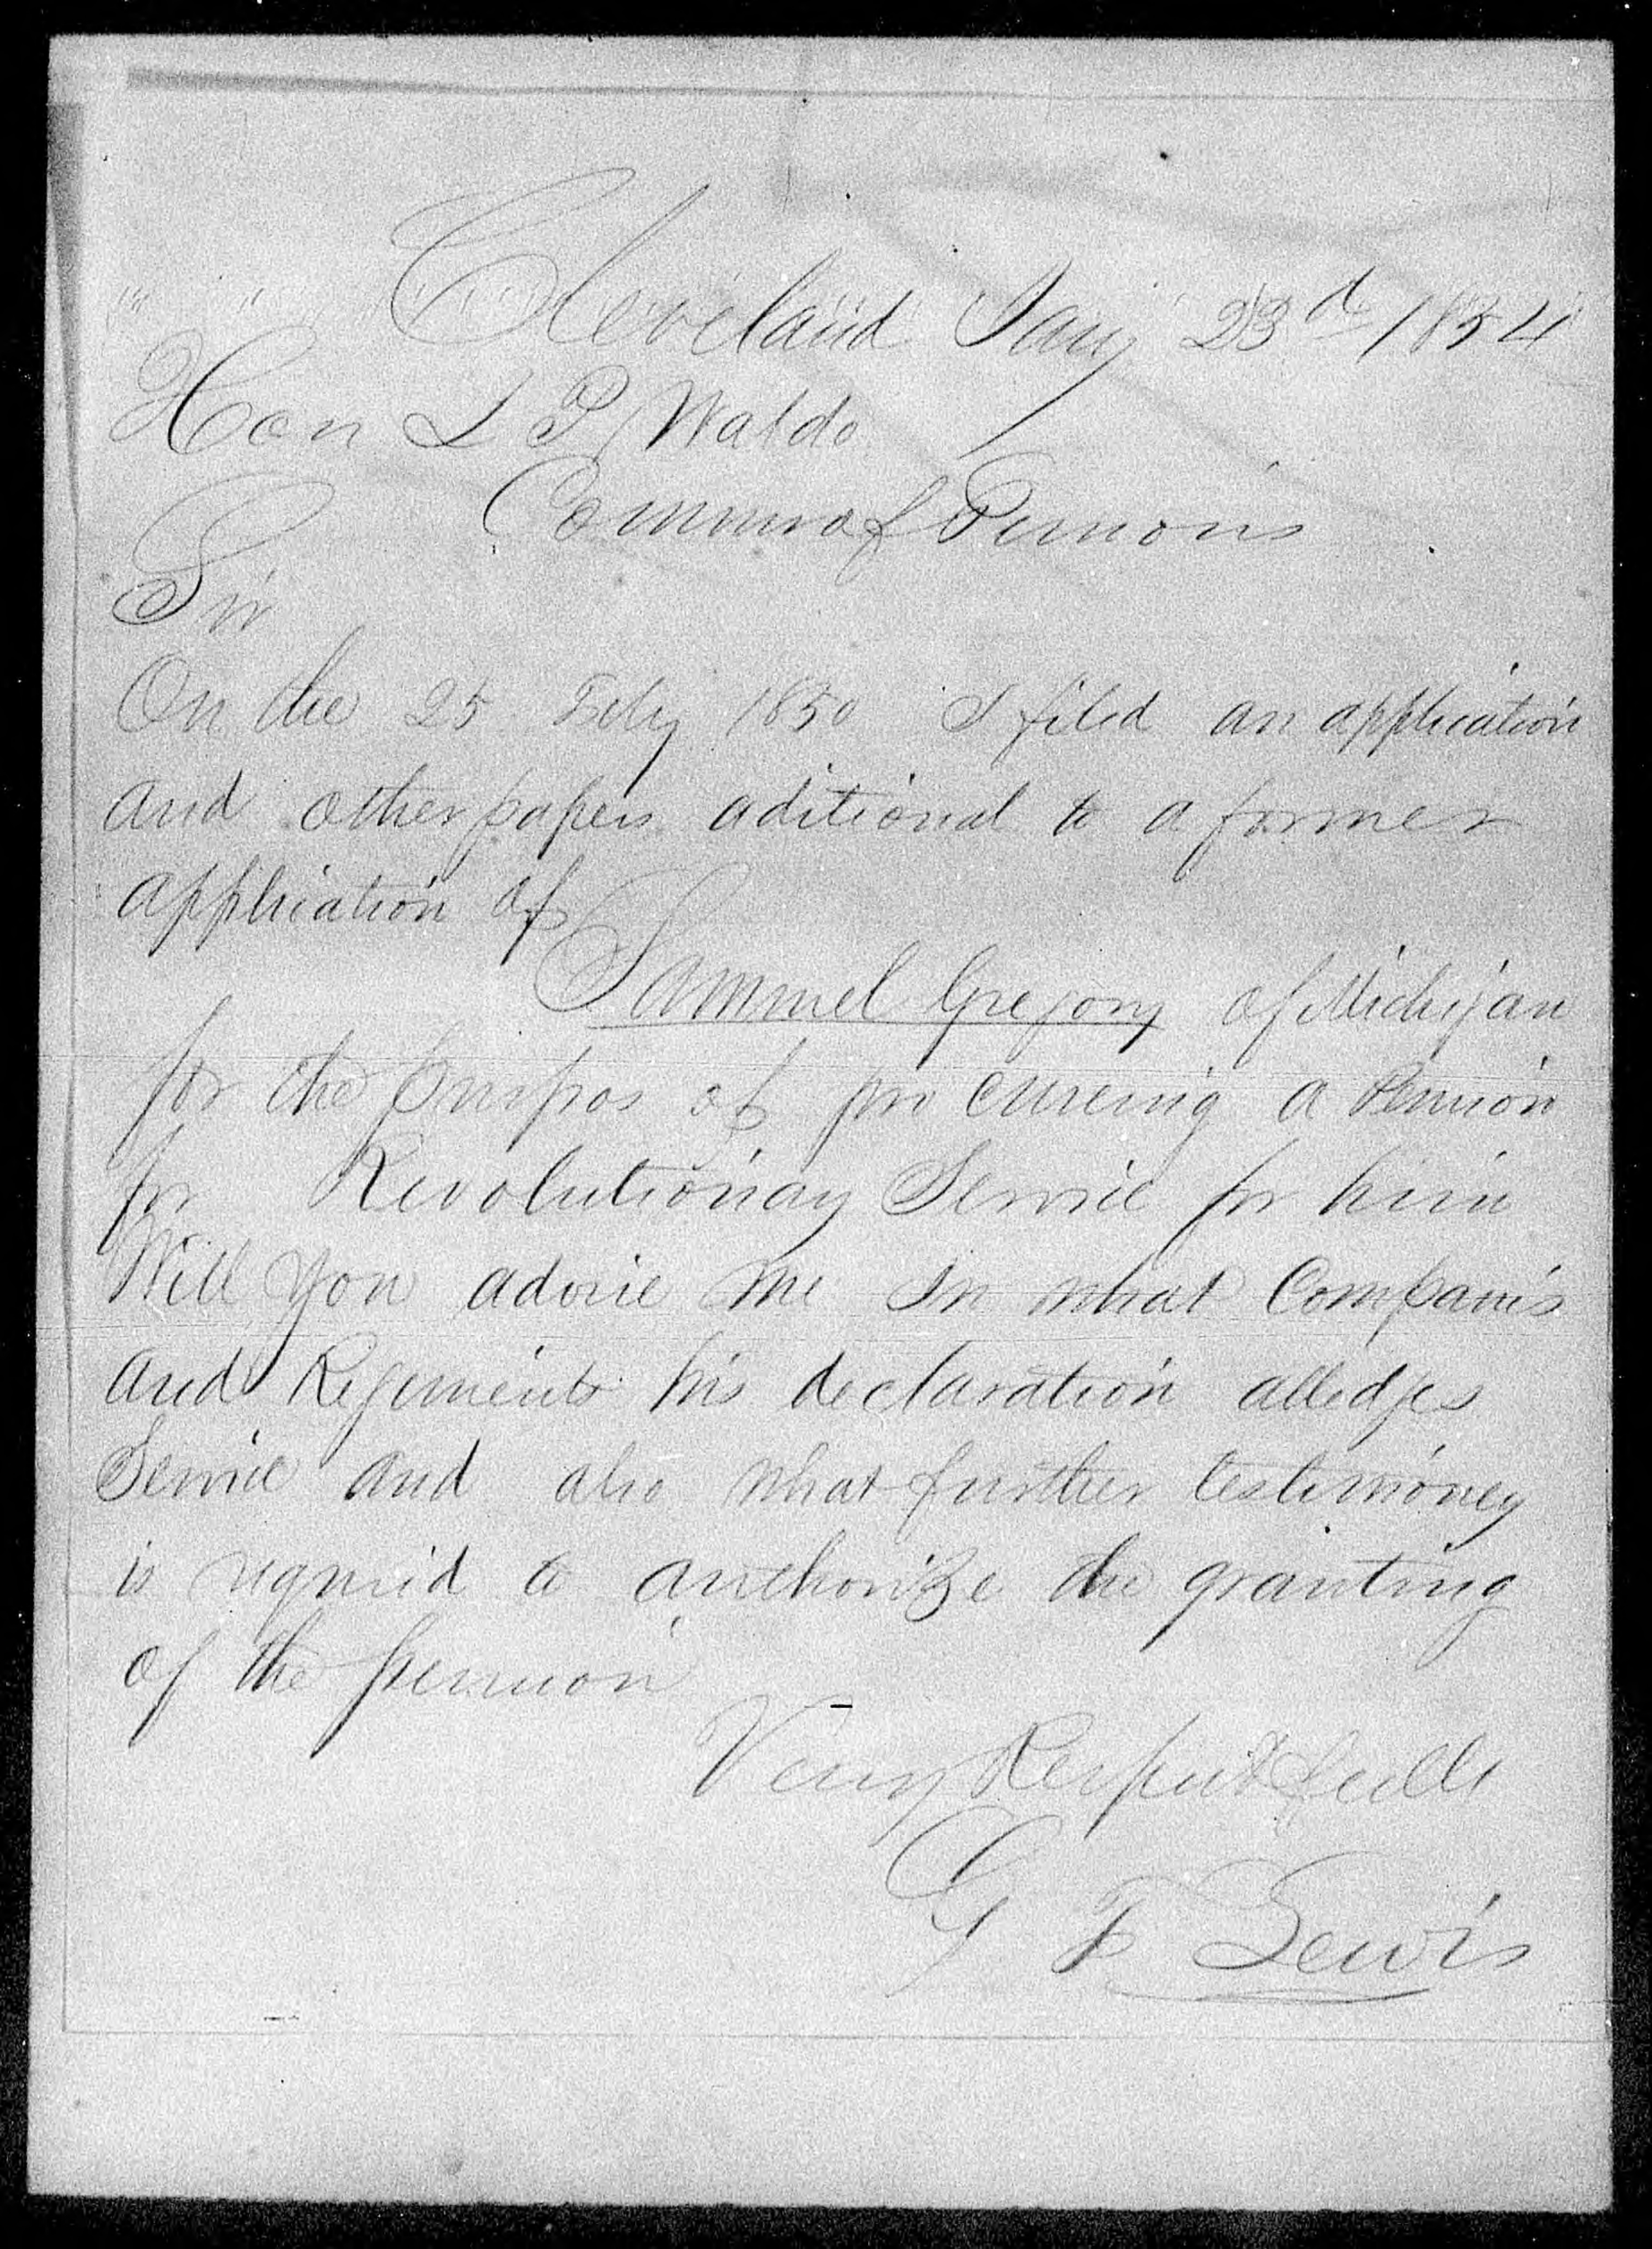Cleveland   May 23rd 1854

Hon L P Waldo
Comm of Pensions

Sir
On the 25 July 1850 I filed an application and other papers aditional to a former application as
Samuel Gregory
for the purpose of procuring a pension for Revolutionary service for him
Will you advise me in what companies and regiments his declaration alleges service and also what further testimony is required to authorize the granting of a pension

Very Respectfully
G. F Servis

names: Samuel Gregory, L P Waldo, G F Lewis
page: 49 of 66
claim: rejected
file: R. 4298, Samuel Gregory, New York